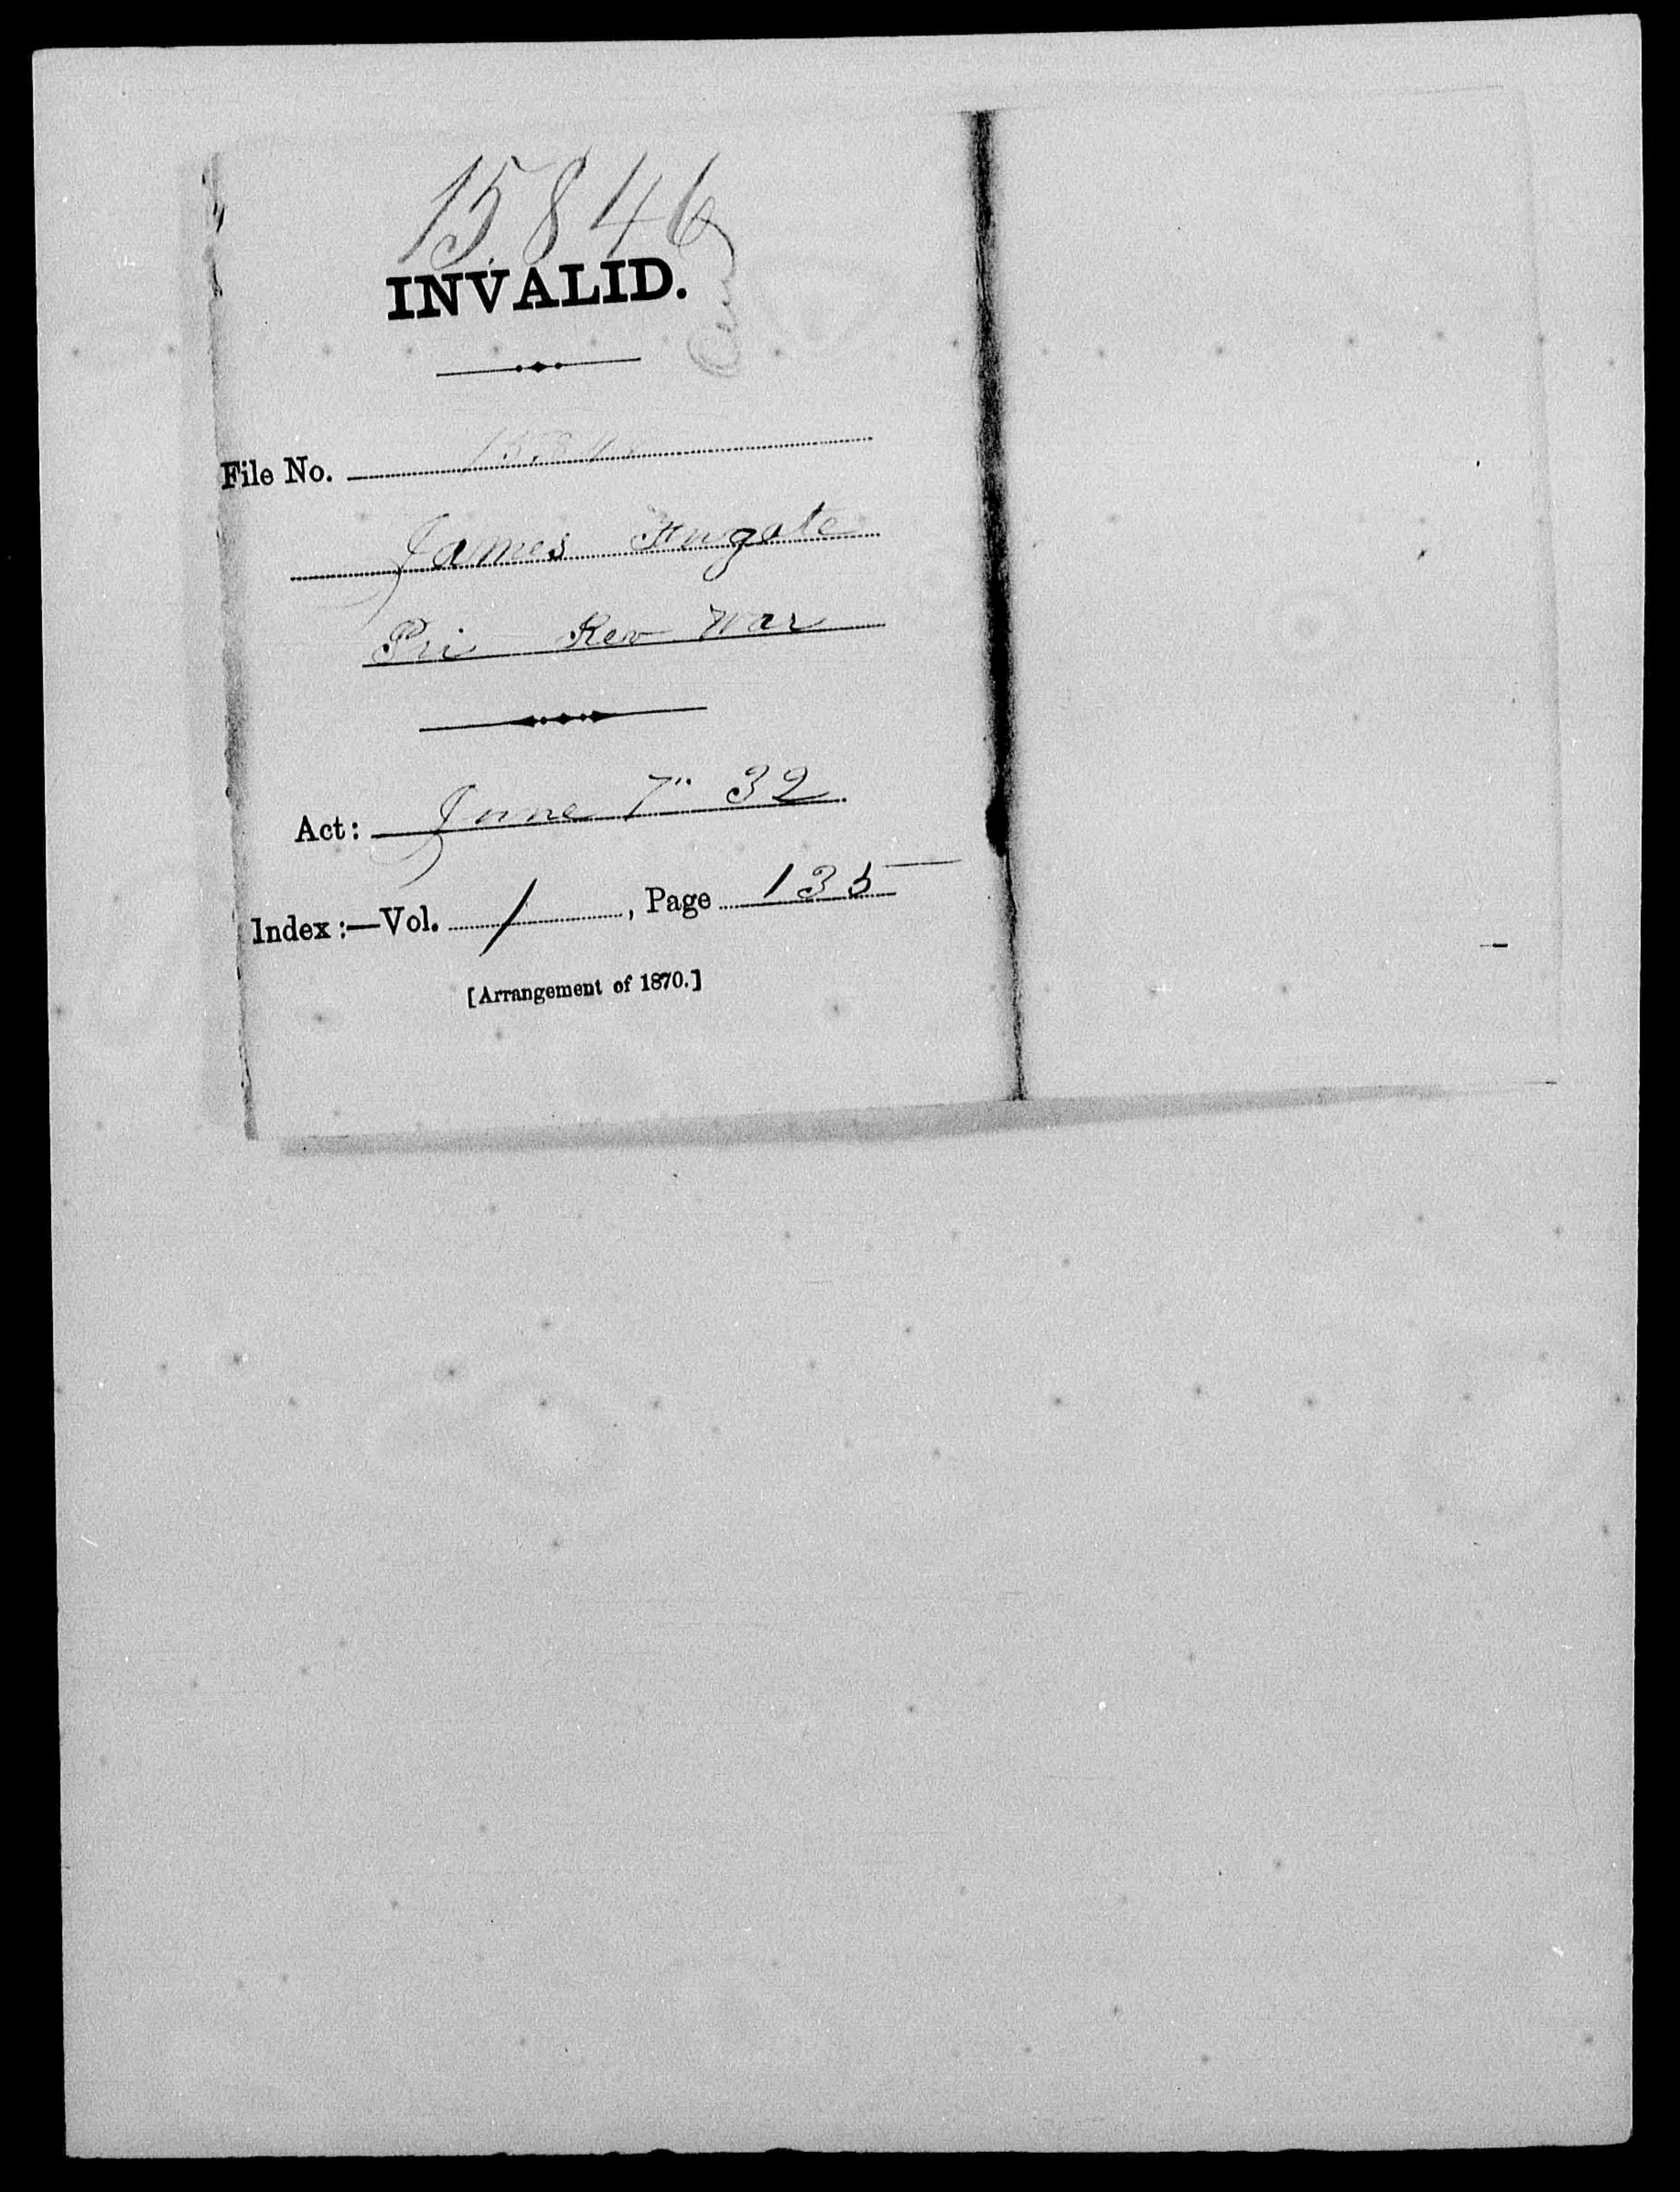[handwritten] 15846
Invalid.
File No. 15846 James Fugate Pri. Rev. War 
Act: June 7  "32
Index:–Vol. /, Page 135
[Arrangement of 1870.]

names: James Fugate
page: 15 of 18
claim: survivor's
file: S. 15,846, James Fugate, Va.